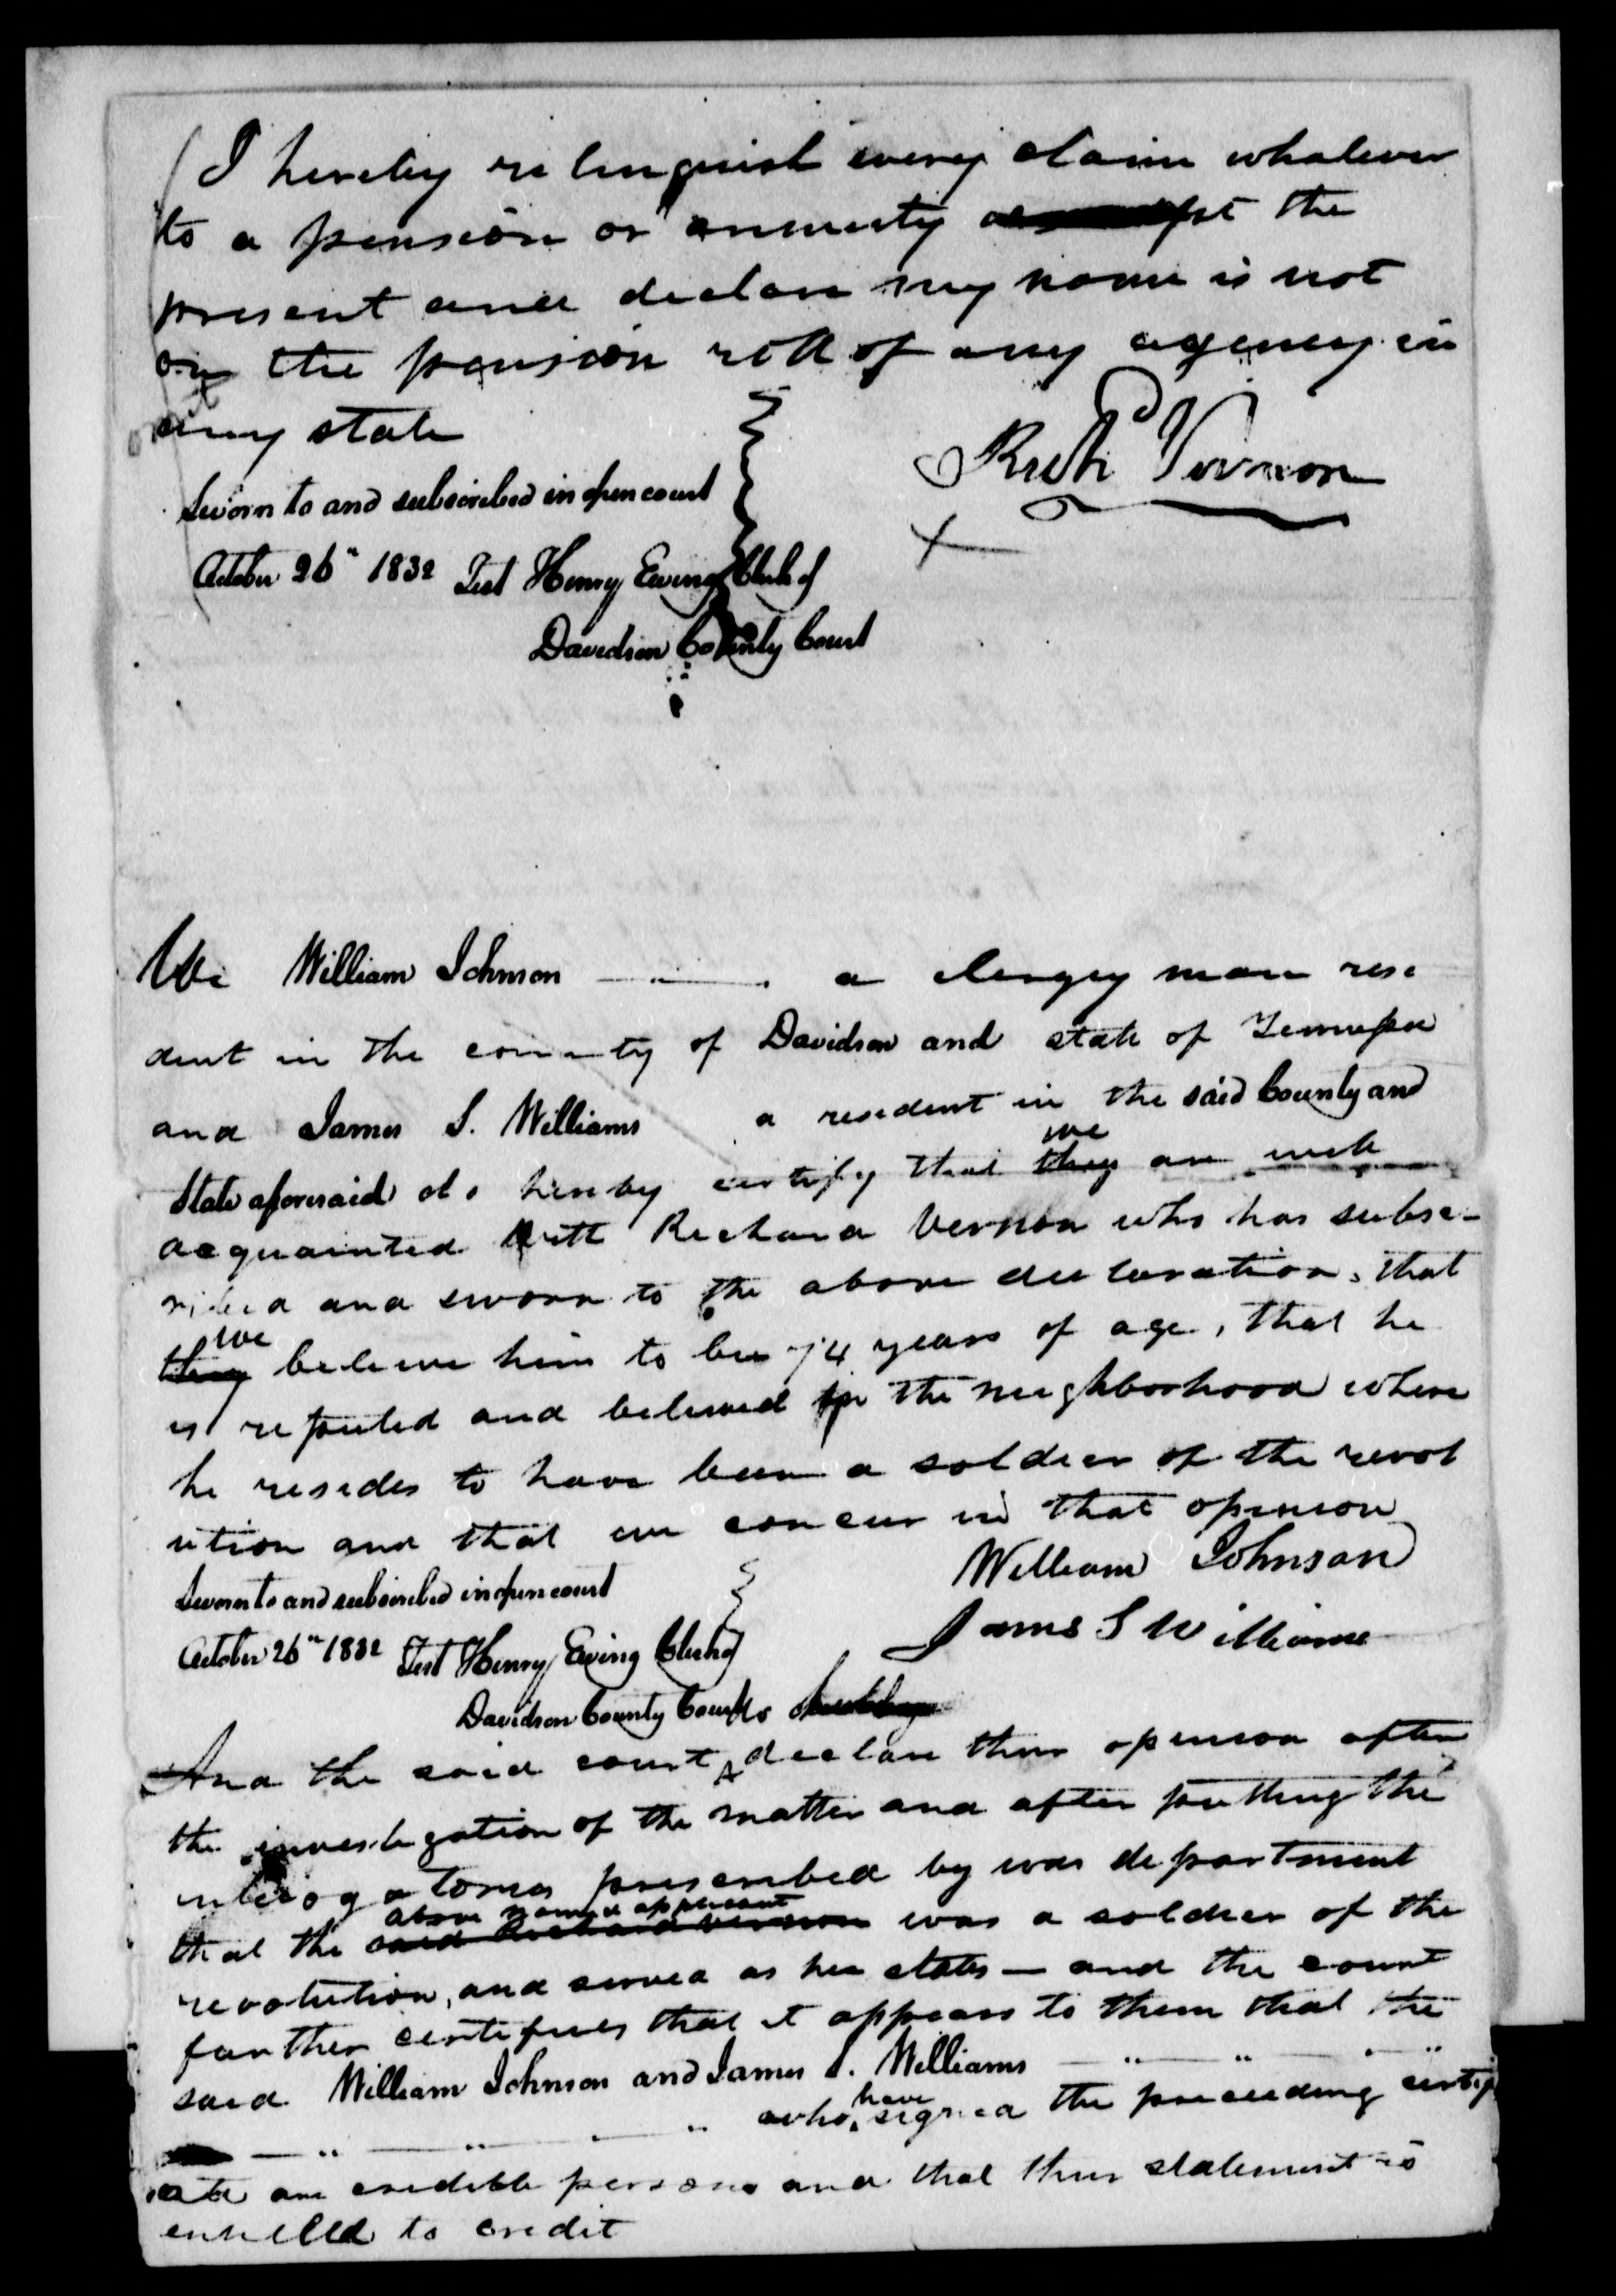I hereby relinquish any claim whatever to a pension or annuity except the present and declare my name is no on the pension roll of any agency in any state.
Ricd. Vernon 
Sworn to and subscribed I open court October 26th 1832}
Henry Ewing, Clerk of Davidson County Court

We, William Johnson ______ a clergy man resident in the county of Davidson and state of Tennessee and James S. Williams, a resident in the said County and State aforesaid do hereby certify that we are well acquainted with Richard Vernon who has subscribed and sworn to the above declaration, that we believe him to be 74 years of age, that he is reputed and believe in the neighborhood where he resides to have been a soldier of the revolution and that we concur in that opinion.
William Johnson
James J. Williams

Sworn to and subscribed in open court October 26th 1832}
Test Henry Ewing Clerk 
Davidson County Court

And the said court declares their opinion after the investigation of the matter and after putting the interrogatories prescribed by war department that the above named applicant was a soldier of the revolution and served as he states – and the court further certifies that it appears to them that the said William Johnson and James J. Williams who have signed the preceding certificate are credible persons and that their statement is entitled to credit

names: Richard Vernon, Henry Ewing, Richard Vernon, James S Williams, William Johnson, Richd Vernon, William Johnson, James S Williams, Henry Ewing, William Johnson, James S Williams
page: 13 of 105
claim: survivor's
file: S. 1883, Richard Vernon, N.C.